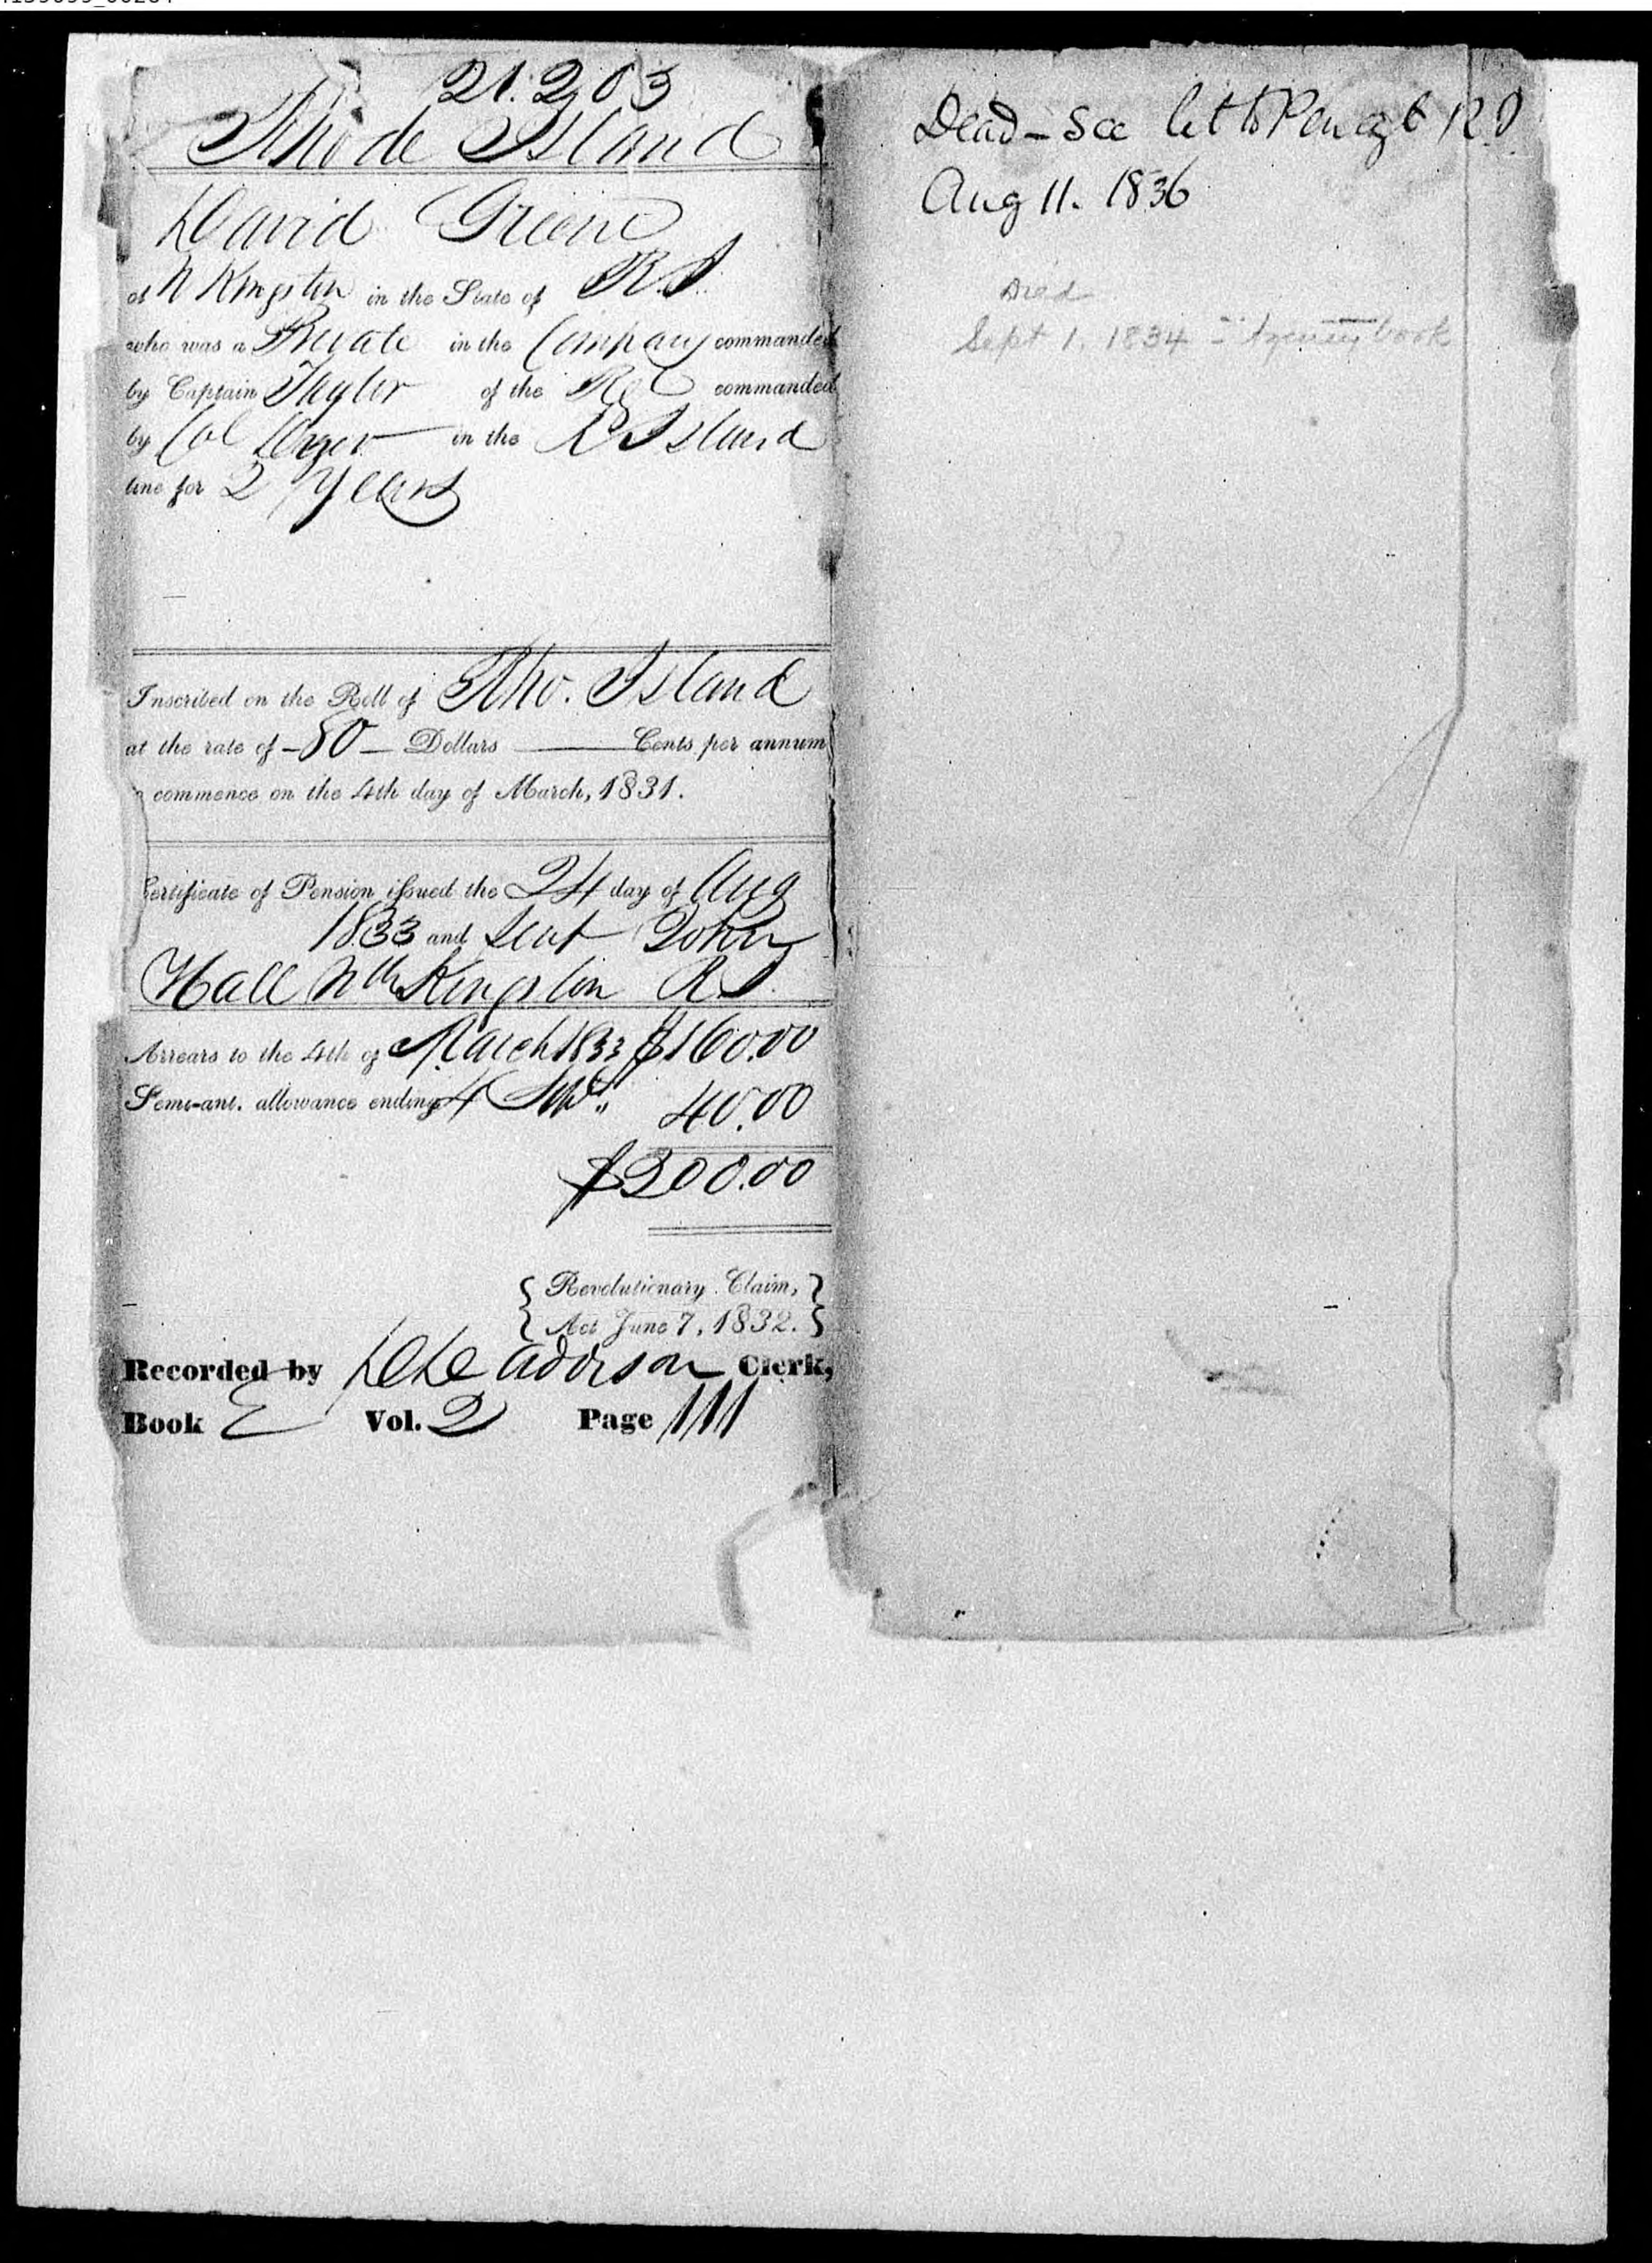21.203

Rhode Island

David Greene
of N Kingston in the State of R. I.
who was a Private in the Company commanded
by Captain Taylor of the Regt commanded
by Col. Dyer in the R Island
line for 2 years
_________________________________________________
Inscribed on the Roll of Rho. Island
at the rate of -80- Dollars -Cents per annum
to commence on the 4th day of March, 1831.
_________________________________________________
Certificate of Pension issued the 24th of Aug
1833 and [illegible] John Hall Nth Kingston R.I.
_________________________________________________
Arrears to the 4th of March 1833 $160.00
Semi-anl allowance ending 4th [illegible] $40.00
$200.00
______________
{Revolutionary Claim, Act June 7, 1832.}

Recorded by D. D. Addison Clerk, 
Book E Vol. 2 Page 111

Dead - Scc [illegible] RI
Aug 11. 1836

Died
Sept 1, 1834 - [illegible]book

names: David Greene, Dyer, Taylor, D D Addison, John Hall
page: 2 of 27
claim: survivor's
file: S. 21,245, David Greene, R.I.